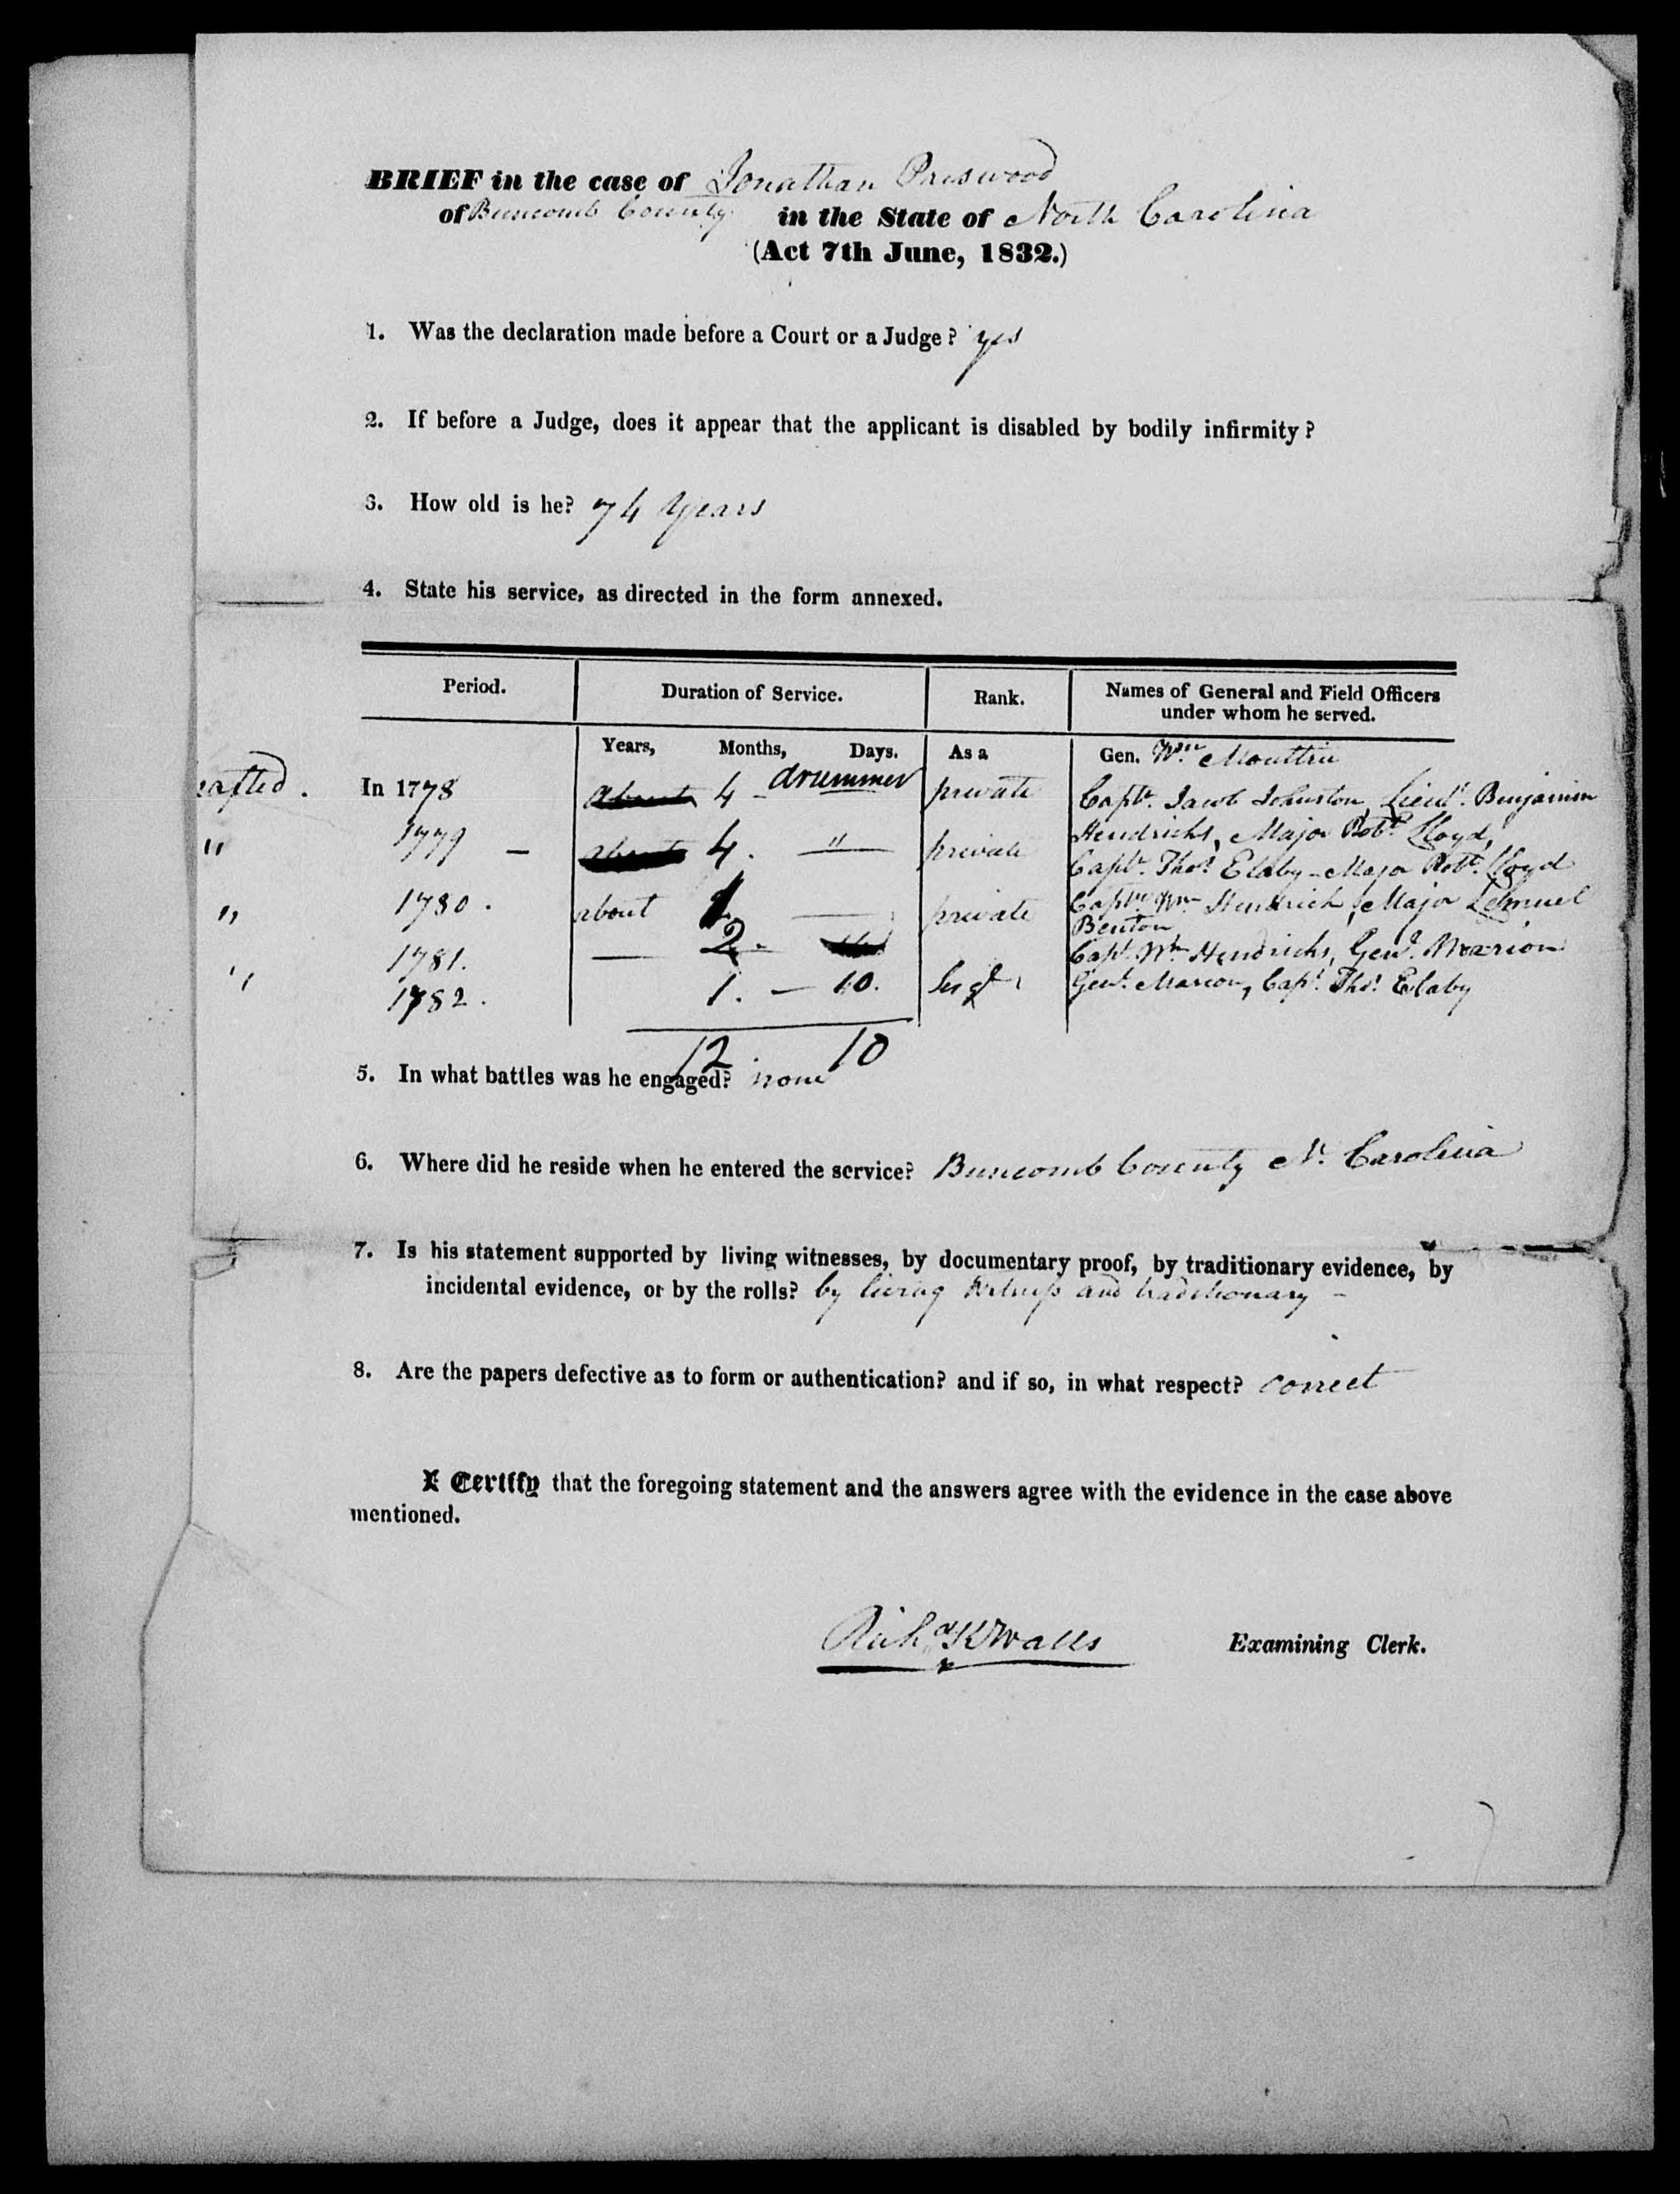BRIEF in the case of Jonathan Prestwood of Buncombe County in the State of North Carolina
(Act 7th June, 1832.)
1. Was the declaration made before a Court or a Judge? yes
2. If before a Judge, does it appear that the applicant is disabled by bodily infirmity?
3. How old is he? 74 years
4. State his service, as directed in the form annexed.
Period. Drafted In 1778
Drafted 1779
Drafted 1780.
Drafted 1781
Drafted 1782.
-
Duration of Service. 4 mos drummer
4 mos drummer
about 1 mo
2 mos
1 mo 10 days
= 12 months, 10 days

Rank. As a private
private
private
Segt

Names of General and Field Officers under whom he served.
Gen. W. Moultrie
Capt Jacob Johnston Lieut. Benjamin Hendricks, Capt. Thos Elaby [Ellerbee], Major Robt Lloyd [Lide], Capt. Wm Hendrich, Major Lemuel Benton
Capt Wm Hendricks, Genl Marion
Genl Marion, Cap. Tho Elaby

5. In what battles was he engaged? none
6. Where did he reside when he entered the service? Buncombe County N Carolina
7. Is his statement supported by living witnesses, by documentary proof, by traditionary evidence, by
incidental evidence, or by the rolls? by living witness and traditionary
8. Are the papers defective as to form or authentication? and if so, in what respect? Correct

I Certify that the foregoing statement and the answers agree with the evidence in the case above
Rich'd K Walls
Examining Clerk.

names: Wm Hendricks; Wm Moultrie; Jacob Johnston; [BLANK] Marion; Robt Lloyd; Jonathan Preswood; Benjamin Hendricks; Richd K Walls; Thos Elaby; Wm Hendrick; Lemuel Benton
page: 4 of 13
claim: survivor's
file: S. 8,977, for Jonathan Prestwood, South Carolina